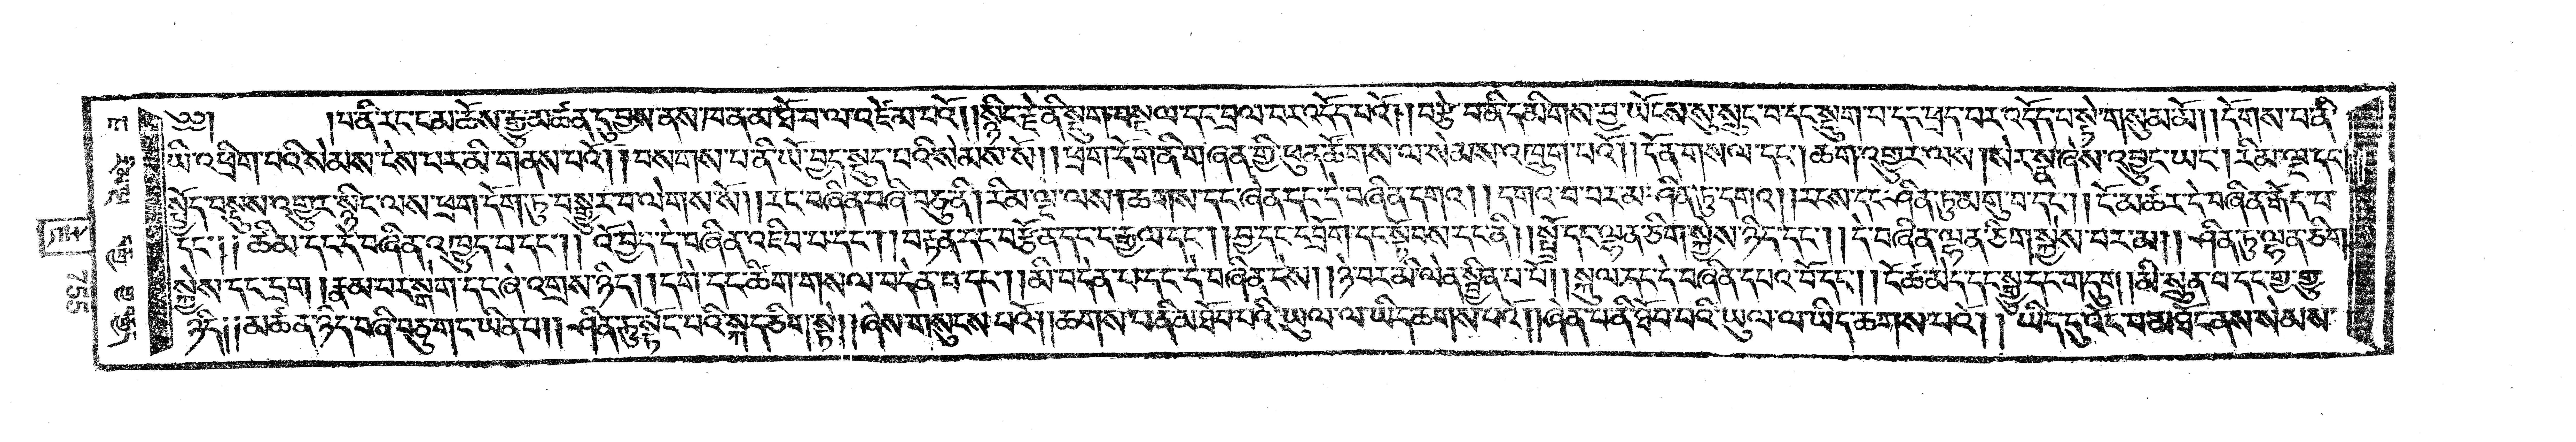༄༅། །པ་ནི་རང་ངམ་ཆོས་རྒྱུ་མཚན་དུ་བྱས་ནས་ཁ་ན་མ་ཐོ་བ་ལ་འཛེམ་པའོ། །སྙིང་རྗེ་ནི་སྡུག་བསྔལ་དང་བྲལ་བར་འདོད་པའོ། །བརྩེ་བ་ནི་དམིགས་བྱ་ཡོངས་སུ་སྲུང་བ་དང་སྡུག་པ་དང་ཕྲད་པར་འདོད་པ་སྟེ་གསུམ་མོ། །དོགས་པ་ནི་
ཡི་འཕྲིག་པའི་སེམས་ངེས་པར་མི་གནས་པའོ། །བསགས་པ་ནི་ཡོ་བྱད་སྡུད་པའི་སེམས་སོ། །ཕྲག་དོག་ནི་གཞན་གྱི་ཕུན་ཚོགས་ལ་སེམས་འཁྲུག་པའོ། །དོན་གསལ་དང་། ཆག་འགྱུར་ལས། སེར་སྣ་ཞེས་འབྱུང་ཡང་། རིམ་ལྔ་དང།།
སྤྱོད་བསྡུས་འགྱུར་སྙིང་ལས་ཕྲག་དོག་ཏུ་བསྒྱུར་བ་ལེགས་སོ། །རང་བཞིན་བཞི་བཅུ་ནི། རིམ་ལྔ་ལས། ཆགས་དང་ཞེན་དང་དེ་བཞིན་དགའ། །དགའ་བ་བར་མ་ཤིན་ཏུ་དགའ། །རངས་དང་ཤིན་ཏུ་མགུ་བ་དང་། །ངོ་མཚར་དེ་བཞིན་རྒོད་པ་
དང༑ ༑ཚིམ་དང་དེ་བཞིན་འཁྱུད་པ་དང་། །འོ་བྱེད་དེ་བཞིན་འཇིབ་པ་དང་། །བརྟན་དང་བརྩོན་དང་ང་རྒྱལ་དང་། །བྱ་དང་དབྲོག་དང་སྟོབས་དང་ནི། །སྤྲོ་དང་ལྷན་ཅིག་སྐྱེས་ཉིད་དང་། །དེ་བཞིན་ལྷན་ཅིག་སྐྱེས་བར་མ། །ཤིན་ཏུ་ལྷན་ཅིག་
སྐྱེས་དང་དྲག །རྣམ་པར་སྒེག་དང་ཞེ་འགྲས་ཉིད། །དགེ་དང་ཚིག་གསལ་བདེན་པ་དང་། །མི་བདེན་པ་དང་དེ་བཞིན་ངེས། །ཉེ་བར་མི་ལེན་སྦྱིན་པ་པོ། །སྐུལ་དང་དེ་བཞིན་དཔའ་བོ་དང་། །ངོ་ཚ་མེད་དང་སྒྱུ་དང་གདུག །མི་སྲུན་པ་དང་གྱ་གྱུ་
ཉིད༑ ༑མཚན་ཉིད་བཞི་བཅུ་གང་ཡིན་པ། །ཤིན་ཏུ་སྟོང་པའི་སྐད་ཅིག་སྟེ། །ཞེས་གསུངས་པའོ། །ཆགས་པ་ནི་མ་ཐོབ་པའི་ཡུལ་ལ་ཡིད་ཆགས་པའོ། །ཞེན་པ་ནི་ཐོབ་པའི་ཡུལ་ལ་ཡིད་ཆགས་པའོ། །ཡིད་དུ་འོང་བ་མཐོང་ནས་སེམས་